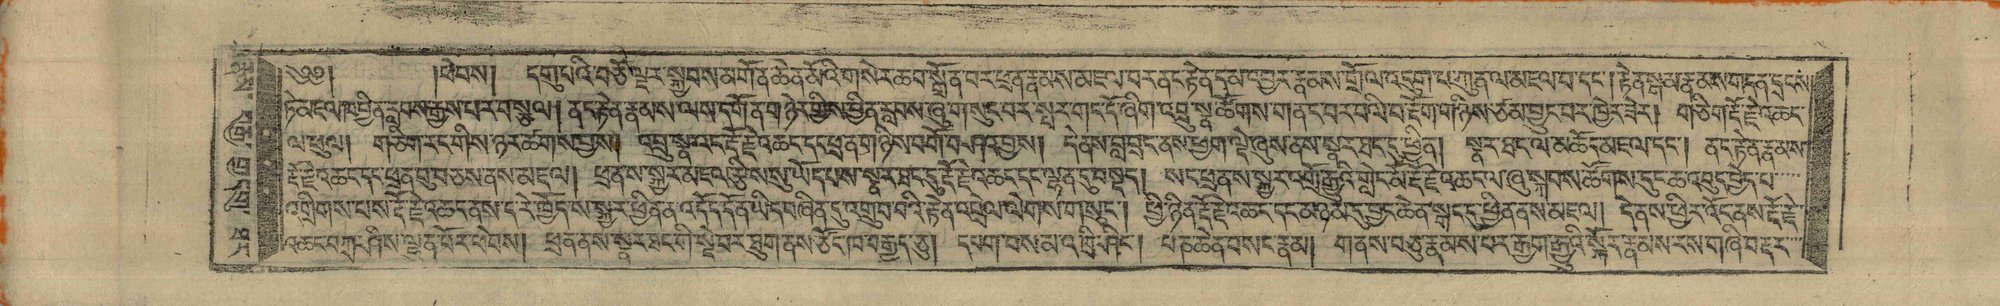༄༅། །ཕེབས། དགུ་པའི་བཅོ་ལྔར་སྐྱབས་མགོན་ཆེན་མོའི་གསེར་ཆབ་སྒྲོན་བར་ཕྲན་རྣམས་མཇལ་བར་ནང་རྟེན་དམ་འབྱར་རྣམས་གྲོལ་འདུག་པ་ཀུན་ལ་མཇལ་བ་དང་། རྟེན་སྒམ་རྣམས་གདན་དྲངས་
ཏེ་མཇལ་ཁ་བྱིན་རླབས་རྒྱས་པར་བསྩལ། ནང་རྟེན་རྣམས་ལས་དགོན་གཉེར་གྱིས་བྱིན་རླབས་ཞུ་གསུང་བར་སྤར་གང་དོ་ཞིག་འབྲུ་སྣ་ཚོགས་གནང་བར་བ་ལི་བ་རྡོག་གཉིས་ཙམ་བྱུང་བར་ཁྱེར་ཟེར། གཅིག་རྡོ་རྗེ་འཆང་
ལ་ཕུལ། གཅིག་རང་གིས་ཉར་ཚགས་བྱས། འབྲུ་སྣ་འང་རྡོ་རྗེ་འཆང་དང་ཕྲན་གཉིས་བགོ་བཤཱ་བྱས། དེ་ནས་བླ་བྲང་ནས་ཕྱག་ལྡེ་ཞུས་ནས་སྣར་ཐང་དུ་ཕྱིན། སྣར་ཐང་ལ་མཆོད་མཇལ་དང་། ནང་རྟེན་རྣམས་
རྡོ་རྗེ་འཆང་དང་ཕྲན་བུ་བཅས་ནས་མཇལ། ཕྲན་ས་སྐྱར་མཇལ་རྩིས་སུ་ཡོད་པས་སྣར་ཐང་དུ་རྡོ་རྗེ་འཆང་དང་ལྷན་དུ་བསྡད། སང་ཕྲན་ས་སྐྱར་འགྲོ་རྒྱུའི་གླེང་མོ་རྡོ་རྗེ་འཆང་ལ་ཞུ་སྐབས་ཚོགས་དུང་ཆ་འབུད་བྱེད་པ་
འགྲིགས་པས་རྡོ་རྗེ་འཆང་ནས་ད་རེ་ཁྱོད་ས་སྐྱར་ཕྱིན་ན་འདོད་དོན་ཡིད་བཞིན་དུ་འགྲུབ་པའི་རྟེན་འབྲེལ་ལེགས་གསུང་། ཕྱི་ཉིན་རྡོ་རྗེ་འཆང་དང་མཉམ་དུ་བྱང་ཆེན་སྒང་དུ་ཕྱིན་ནས་མཇལ། དེ་ནས་ཕྱིར་འོང་ནས་རྡོ་རྗེ་
འཆང་བཀྲ་ཤིས་ལྷུན་པོར་ཕེབས། ཕྲན་ནས་སྣར་ཐང་གི་སྡེ་བར་ཐུག་ནས་ཙོང་ཁ་བརྒྱད་ཅུ། དཔག་བསམ་འཁྲི་ཤིང་། པཎ་ཆེན་བསང་རྣམ། གནས་བཅུ་རྣམས་པར་རྒྱག་རྒྱུའི་སྐོར་རྣམས་རས་གཞི་བརྡར་